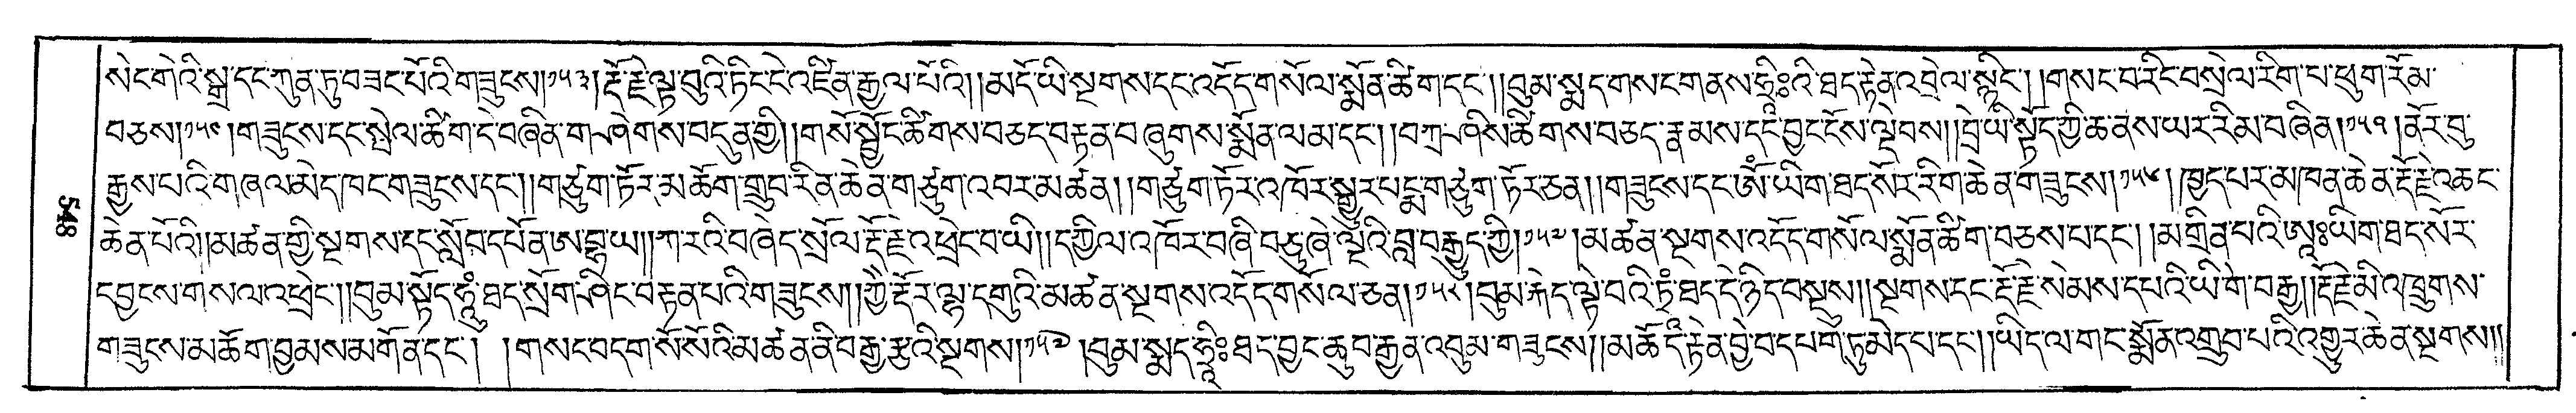སེང་གེའི་སྒྲ་དང་ཀུན་ཏུ་བཟང་པོའི་གཟུངས། ༡༥༣་།རྡོ་རྗེ་ལྟ་བུའི་ཏིང་ངེ་འཛིན་རྒྱལ་པོའི། །མདོ་ཡི་སྔགས་དང་འདོད་གསོལ་སྨོན་ཚིག་དང་། །བུམ་སྨད་གསང་གནས་ཧྲཱིཿའི་ཐད་རྟེན་འབྲེལ་སྙིང་། །གསང་བ་རིང་བསྲེལ་རིག་པ་ཕུག་རོན་
བཅས། ༡༥༤། །བ། ཟུངས་དང་སྤེལ་ཚིག་དེ་བཞིན་གཤེགས་བདུན་གྱི། །གསོ་སྦྱོང་ཚིགས་བཅད་བརྟན་བཞུགས་སྨོན་ལམ་དང་། །བཀྲ་ཤིས་ཚིགས་བཅད་རྣམས་དང་བྱང་ངོས་ལྡེབས། །བྲེ་ཡི་སྟོད་ཀྱི་ཆ་ནས་ཡར་རིམ་བཞིན། ༡༥༥་།ནོར་བུ་
རྒྱས་པའི་གཞལ་མེད་ཁང་གཟུངས་དང་། །གཙུག་ཏོར་མཆོག་གྲུབ་རིན་ཆེན་གཙུག་འབར་མཚན། །གཙུག་ཏོར་འཁོར་སྒྱུར་པདམ་གཙུག་ཏོར་ཅན། །གཟུངས་དང་ཨོཾ་ཡིག་ཐད་སོར་རིག་ཆེན་གཟུངས། ༡༥༦་།ཁྱད་པར་མཁན་ཆེན་རྡོ་རྗེ་འཆང་
ཆེན་པོའི། །མཚན་གྱི་སྔགས་དང་སློབ་དཔོན་ཨ་བྷ་ཡ། །ཀ་རའི་བཞེད་སྲོལ་རྡོ་རྗེ་འཕྲེང་བ་ཡི། །དཀྱིལ་འཁོར་བཞི་བཅུ་ཞེ་ལྔའི་བླ་བརྒྱུད་ཀྱི། ༡༥༧་།མཚན་སྔགས་འདོད་གསོལ་སྨོན་ཚིག་བཅས་པ་དང་། །མགྲིན་པའི་ཨཱཿ ཡིག་ཐད་སོར་
དབྱངས་གསལ་འཕྲེང་། །བུམ་སྟོད་ཧཱུཾ་ཐང་སྲོག་ཤིང་བརྟན་པའི་གཟུངས། །ཀྱཻ་རྡོར་ལྷ་དགུའི་མཚན་སྔགས་འདོད་གསོལ་ཅན། ༡༥༨་།བུམ་རྐེད་ལྟ་བའི་ཏྲཾ་ཐད་དེ་ཉིད་བསྡུས། །སྔགས་དང་རྡོ་རྗེ་སེམས་དཔའི་ཡི་གེ་བརྒྱ། །རྡོ་རྗེ་མི་འཁྲུགས་
གཟུངས་མཆོག་བྱམས་མགོན་དང་། །གསང་བདག་སོ་སོའི་མཚན་ནི་བརྒྱ་རྩའི་སྔགས། ༡༥༧་།བུམ་སྨད་ཧྲཱིཿ ཐད་བྱང་ཆུབ་རྒྱན་འབུམ་གཟུངས། །མཆོད་རྟེན་བྱེ་བ་དཔག་ཏུ་མེད་པ་དང་། །ཡིད་ལ་གང་སྨོན་འགྲུབ་པའི་འགྱུར་ཆེན་སྔགས། །